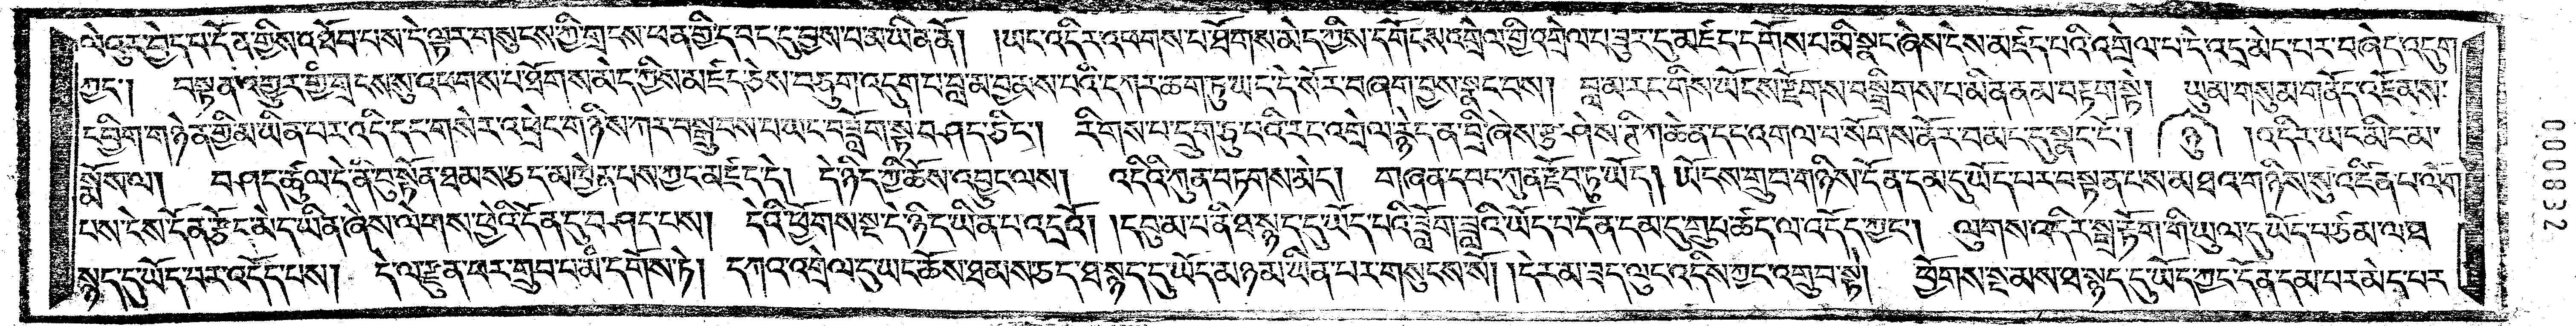ལེའུར་བྱེད་པ་དོན་གྱིས་འཐོབ་པས་དེ་ལྟར་གསུངས་ཀྱི་གྲངས་ཕན་གྱི་དབང་དུ་བྱས་པ་མ་ཡིན་ནོ། །ཡང་འདིར་འཕགས་པ་ཐོགས་མེད་ཀྱིས་དགོངས་འགྲེལ་གྱི་འགྲེལ་པ་ཟུར་དུ་མཛད་དགོས་པ་མི་སྣང་ཞེས་དེས་མཛད་པའི་འགྲེལ་པ་དེ་འདྲ་མེད་པར་བཞེད་འདུག་
ཀྱང་། བསྟན་འགྱུར་གྱི་གྲངས་སུ་འཕགས་པ་ཐོགས་མེད་ཀྱིས་མཛད་ཅེས་བཅུག་འདུག་པ་བླ་མ་བྱམས་པའི་དཀར་ཆག་ཏུ་ཡང་དེ་སོར་བཞག་བྱས་སྣང་བས། བླ་མ་རང་གིས་ཡོངས་རྫོགས་བསྒྲིགས་པ་མིན་ནམ་བརྟག་སྟེ། ཡུམ་གསུམ་གནོད་འཇོམས་
དབྱིག་གཉེན་གྱི་མ་ཡིན་པར་འདི་དང་གསེར་འཕྲེང་གཉིས་ཀར་བསྒྲུབས་པ་ཡང་བཟློག་སྟེ་བཤད་ཅིང་། རིགས་པ་དྲུག་ཅུ་པའི་རང་འགྲེལ་རྙེད་ན་བྲི་ཞེས་རྩ་ཤེས་ཊིཀ་ཆེན་དང་འགལ་བ་སོགས་ནོར་བ་མང་དུ་སྣང་ངོ། ༼ཉུ༽ །འདིར་ཡང་མིང་མ་
སྨོས་ལ། བཤད་ཚུལ་དེ་ནི་བུ་སྟོན་ཐམས་ཅད་མཁྱེན་པས་ཀྱང་མཛད་དེ། དེ་ཉིད་ཀྱི་ཆོས་འབྱུང་ལས། འདིའི་ཀུན་བཏགས་མེད། གཞན་དབང་ཀུན་རྫོབ་ཏུ་ཡོད། ཡོངས་གྲུབ་གཉིས་དོན་དམ་དུ་ཡོད་པར་བསྟན་པས་མཐའ་གཉིས་སུ་འཛིན་པ་ལོག་
པས་ངེས་དོན་རྩོད་མེད་ཡིན་ཞེས་ལེགས་ཕྱེའི་དོན་དུ་བཤད་པས། དེའི་ཕྱོགས་སྔ་དེ་ཉིད་ཡིན་པ་འདྲའོ། །དབུ་མ་པ་ནི་ཐ་སྙད་དུ་ཡོད་པའི་ཟློག་ཟླའི་ཡོད་པ་དོན་དམ་དུ་གྲུབ་ཚད་ལ་འདོད་ཀྱང་། ལུགས་འདིར་སྒྲ་རྟོག་གི་ཡུལ་དུ་ཡོད་པ་ཙམ་ལ་ཐ་
སྙད་དུ་ཡོད་པར་འདོད་པས། དེ་ལ་རྫུན་པར་གྲུབ་པ་མི་དགོས་ཏེ། དཀའ་འགྲེལ་དུ་ཡང་ཆོས་ཐམས་ཅད་ཐ་སྙད་དུ་ཡོད་མཉམ་ཡིན་པར་གསུངས་སོ། །དེར་མ་ཟད་ལུང་འདིས་ཀྱང་འགྲུབ་སྟེ། ཕྱོགས་སྔ་མས་ཐ་སྙད་དུ་ཡོད་ཀྱང་དོན་དམ་པར་མེད་པར་